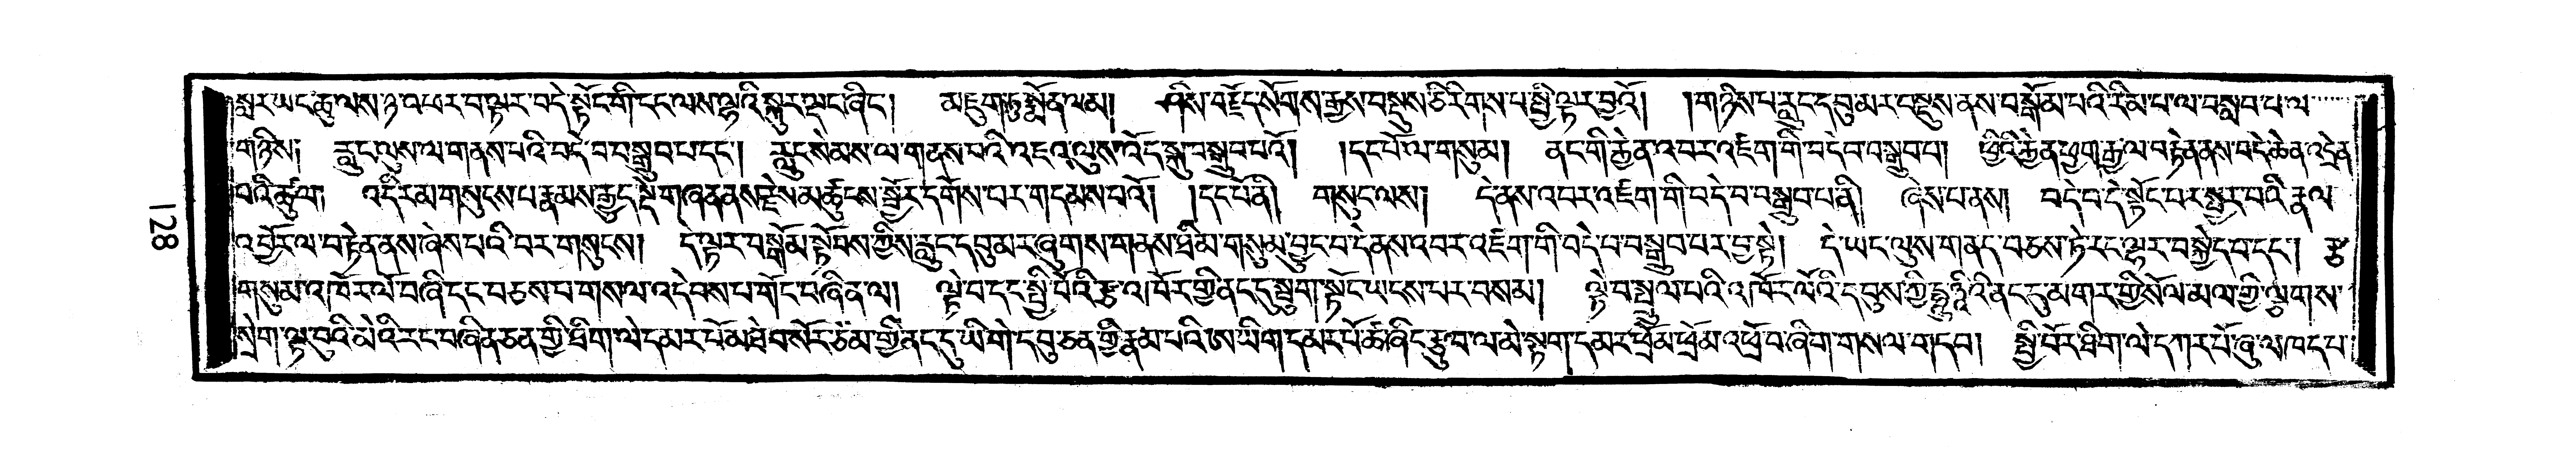སླར་ཡང་ཅུ་ལས་ཉ་འཕར་བ་ལྟར་བདེ་སྟོང་གི་ངག་ལས་ལྷའི་སྐུར་ལྡང་ཞིང་། མཇུག་ཏུ་སྨོན་ལམ། ཤིས་བརྗོད་སོགས་རྒྱས་བསྡུས་ཅི་རིགས་པ་སྤྱི་ལྟར་བྱའོ། །གཉིས་པ་རླུང་དབུ་མར་བསྡུས་ནས་བསྒོམ་པའི་རིམ་པ་ལ་བསླབ་པ་ལ་
གཉིས། །རླུང་ལུས་ལ་གནས་པའི་བདེ་བ་བསྒྲུབ་པ་དང་། རླུང་སེམས་ལ་གནས་པའི་འཇའ་ལུས་འོད་སྐུ་བསྒྲུབ་པའོ། །དང་པོ་ལ་གསུམ། ནང་གི་རྐྱེན་འབར་འཛག་གི་བདེ་བ་བསྒྲུབ་བ། ཕྱིའི་རྐྱེན་ཕྱག་རྒྱ་ལ་བརྟེན་ནས་བདེ་ཆེན་འདྲེན་
བའི་ཚུལ། འདྲི་མ་གསུངས་པ་རྣམས་རྒྱུད་སྡེ་གཞན་ནས་རྗེས་མཚུངས་སྦྱོར་དགོས་པར་གདམས་པའོ། །དང་པོ་ནི། གསུང་ལས། དེ་ནས་འབར་འཛག་གི་བདེ་བ་བསྒྲུབ་པ་ནི། ཞེས་པ་ནས། བདེ་བ་དེ་སྟོང་བར་སྦྱར་བའི་རྣལ་
འབྱོར་ལ་བརྟེན་ནས་ཞེས་པའི་བར་གསུངས། དེ་ལྟར་བསྒོམ་སྟོབས་ཀྱིས་རླུང་དབུ་མར་ཞུགས་གནས་ཐིམ་གསུམ་བྱུང་བ་དེ་ནས་འབར་འཛག་གི་བདེ་བ་བསྒྲུབ་པར་བྱ་སྟེ། དེ་ཡང་ལུས་གནད་བཅས་ཏེ་རང་ལྷར་བསྐྱེད་པ་དང་། རྩ་
གསུམ་འཁོར་ལོ་བཞི་དང་བཅས་པ་གསལ་འདེབས་པ་གོང་བཞིན་ལ། ལྟེ་བ་དང་སྤྱི་བོའི་རྩ་འཁོར་གྱི་ནང་དུ་སྦུག་སྟོང་ཡངས་པར་བསམ། ལྟེ་བ་སྤྲུལ་བའི་འཁོར་ལོའི་དབུས་ཀྱི་དྷཱུ་ཏཱིའི་ནང་དུ་མགར་གྱི་སོལ་མལ་གྱི་ལྕགས་
སྲེག་ལྟ་བུའི་མེའི་རང་བཞིན་ཅན་གྱི་ཐིག་ལེ་དམར་པོ་མཐེབ་སོར་ཙམ་གྱི་ནང་དུ་ཡི་གེ་དབུ་ཅན་གྱི་རྣམ་པའི་ཨ་ཡིག་དམར་པོ་ཚ་ཞིང་རྩུབ་ལ་མེ་སྟག་དམར་ཕྲོམ་ཕྲོམ་འཕྲོ་བ་ཞིག་གསལ་གདབ། སྤྱི་བོར་ཐིག་ལེ་དཀར་པོ་ཞུ་ལ་ཁད་པ་